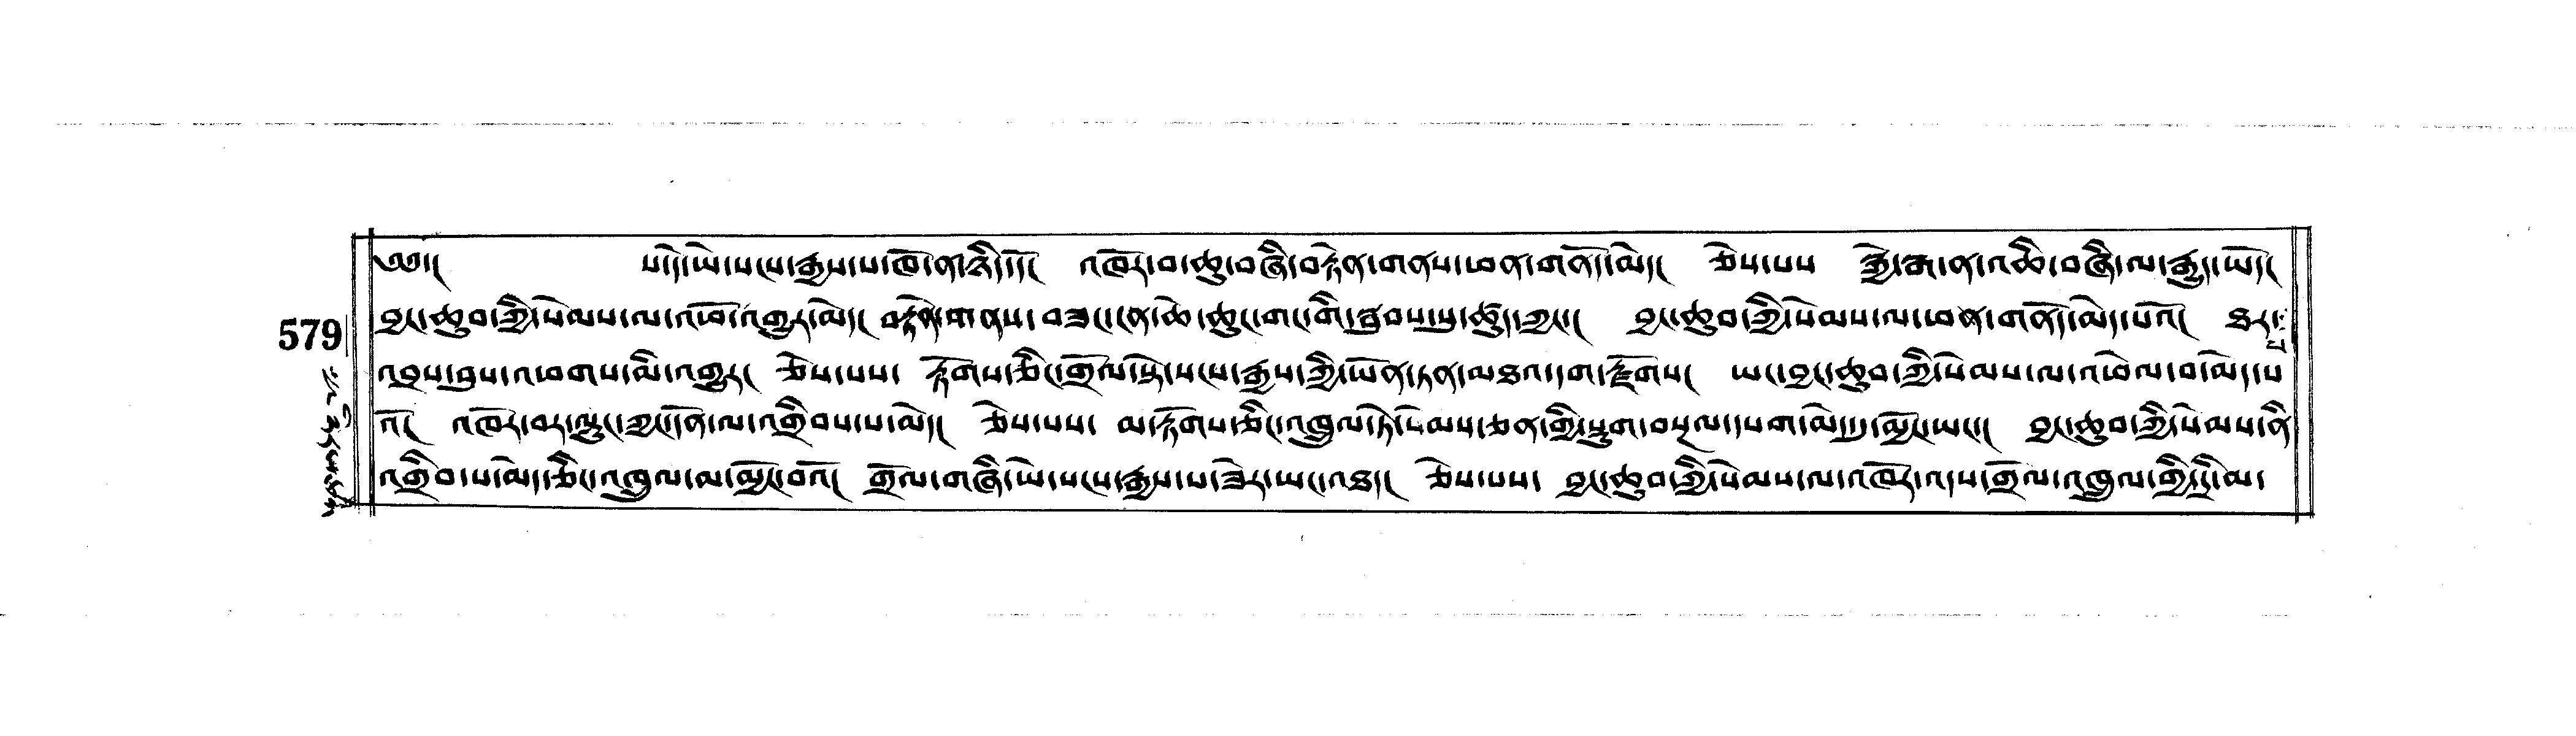པ་དེ་ཡེ་སངས་རྒྱས་པ་ཁོ་ན་ཉིད་དོ། འཁོར་བ་ཆུ་བཞི་རྟེན་གནས་ཕན་གནོད་མེད། ཅེས་པས། སྐྱེ་རྒ་ན་འཆི་རྒྱུད་ཡོད། 
བྱང་ཆུབ་ཀྱི་སེམས་ལ་འཕོ་འགྱུར་མེད། རྟེན་གནས་བཟང་ངན་ཆེ་ཆུང་བཟང་ངན་གང་གི་སྦུབས་སུ་ཚུད་ཀྱང་། བྱང་ཆུབ་ཀྱི་སེམས་ལ་ཕན་གནོད་མེད་པའོ། ཐར་པ་
འབྲས་བུས་འཕགས་མི་འགྱུར། ཅེས་པས། རྟོགས་ཅིང་གྲོལ་ཏེ་སངས་རྒྱས་ཀྱི་ཡོན་ཏན་མཐའ་དག་རྫོགས། ཡང་བྱང་ཆུབ་ཀྱི་སེམས་ལ་འཕེལ་བ་མེད་པ
འོ། འཁོར་བར་ལྟུང་ཀྱང་དོན་ལ་འགྲིབ་པ་མེད། ཅེས་པས། མ་རྟོགས་ཅིང་འཁྲུལ་ཀྱང་སེམས་ཅན་གྱིས་སྡུག་བསྔལ་དཔག་ཏུ་མེད་པ་མྱོང་ཡང་། བྱང་ཆུབ་ཀྱི་སེམས་ནི་
འགྲིབ་པ་མེད་ཅིང་འཁྲུལ་མ་མྱོང་བའོ། གྲོལ་གཞི་ཡེ་སངས་རྒྱས་པ་ཟེར་ཡང་འཐད། ཅེས་པས། བྱང་ཆུབ་ཀྱི་སེམས་ལ་འཁོར་འདས་གྲོལ་འཁྲུལ་གྱི་དྲི་མ་